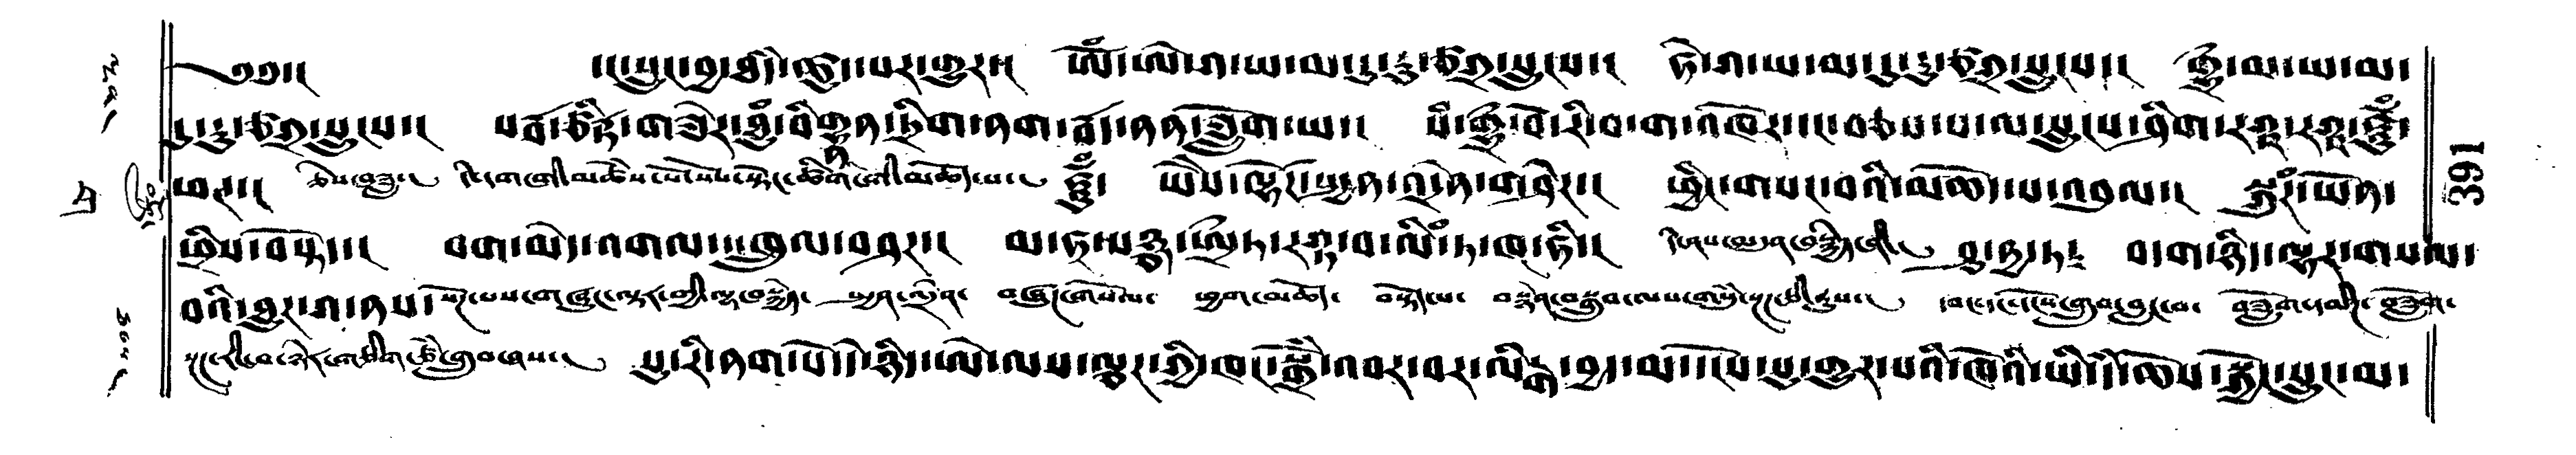དང་སྲུང་བྱ་ཐམས་ཅད་ཚུད་པར་གྱུར། ཨོཾ་ཨེ་ཀ་ཡ་མ་དུ་རུ་ཙཀྲ་སྲུངས། ཧེ་ཀ་ཡ་མ་དུ་རུ་ཙཀྲ་སྲུངས། གྷྲྀ་མ་ཡ་མ་
དུ་རུ་ཙཀྲ་སྲུངས། སརྦ་ཙིཏྟ་གཟེར་ཐུཾ་བིགྷྣཱན་ཏྲིག་ནན་རྦད་ནན་ཟློག་ཡ། སཾ་གྷྲྀ་བེ་རི་བདག་ཅག་འཁོར་དང་བཅས་པ་ལ་སྲུངས་ཤིག་རཀྵ་རཀྵ་ཧཱུྃ་
ཕཊཿ ཅ ེས་བཟླ། དེ་དག་གི་མཚམས་སོ་སོས་སྟོང་ཚིག་གི་མཆོད་པ། ཧཱུྃ། ཡེ་ཤེས་ལྷ་ཚོགས་སྤྱན་འདྲེན་གཤེགས། ཕྱི་ནང་གསང་བའི་མཆོད་པ་འབུལ། སྐུ་གསུང་ཐུགས་ཡོན་
ཕྲིན་ལས་བསྟོད། བག་མེད་འགལ་འཁྲུལ་ཉམས་ཆགས་བཤགས། མ་ཧཱ་པཉྩ་ཨ་མྲི་ཏ་རཀྟ་བ་ལིཾ་ཏ་ཁཱ་ཧི། དེ་ནས་མདུན་བསྐྱེད་ནི། ཤུ་ནྱ་ཏ༴ བདག་ཉིད་ལྷར་གསལ་
བའི་ཐུགས་ཀ་ནས་སོགས་པས་གཞུང་ལྟར་གྱི་ལྷ་བསྐྱེད། སྤྱན་འདྲེན། བཞུགས་གསོལ། ཕྱག་མཆོད། བསྟོད་པ། བསྙེན་བསྒྲུབ་ལས་གསུམ་གྱི་སྔགས་ཅི་ནུས། དབང་དང་དངོས་གྲུབ་བླང་བ། བཟློག་དམིགས་བཟློག་
སྔགས་རིང་བ་ཉེར་གཅིག་ཙམ་གྲུབ་ནས། པུ་རི་ནག་པོ་དེ་ཉིད་ཨེ་ལས་ལྕགས་ཀྱི་ཁང་སྒྲོམ་འབར་བར་ལིངྒ་བྱད་མ་དངོས་སུ་གྱུར་པའི་ཁོའི་ཡི་དམ་ཆོས་སྐྱོང་སྲུང་མ་